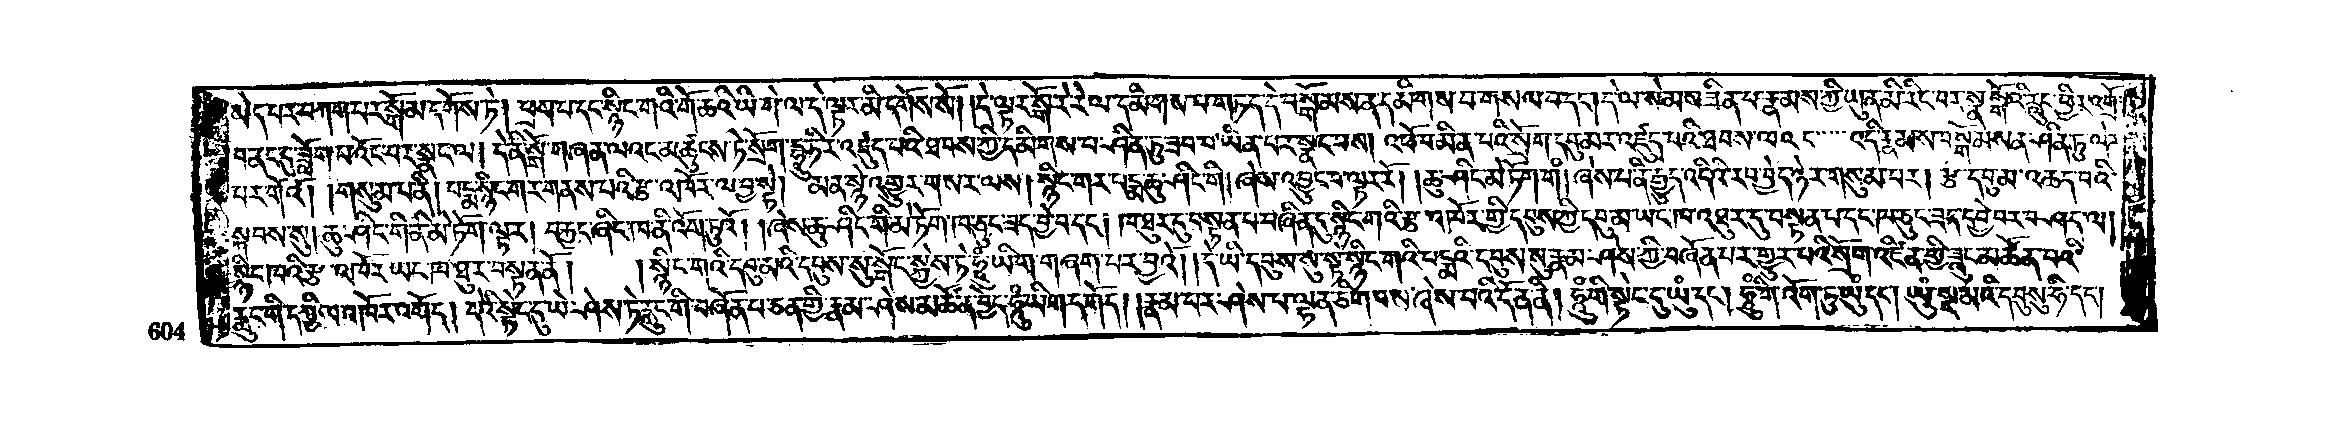མེད་པར་བཀག་པར་སྒོམ་དགོས་ཏེ། ཕྲག་པ་དང་སྙིང་གའི་གོ་ཆའི་ཡི་གེ་ལ་དེ་ལྟར་མི་དགོས་སོ། །དེ་ལྟར་སྒོ་རེ་རེ་ལ་དམིགས་པ་གཏད་དེ་བསྒོམས་ན་དམིགས་པ་གསལ་བ་དང་། དེ་ལ་སེམས་ཟིན་པ་རྣམས་ཀྱི་ཡུན་མི་རིང་བར་སྣ་སྒོའི་རླུང་ཕྱིར་འགྲོ་
བ་ནང་དུ་ཟློག་པ་འོང་བར་སྣང་ལ། དེ་ནི་སྒོ་གཞན་ལའང་མཚུངས་ཏེ་སྲོག་དྷཱུ་ཏིར་འཛུད་པའི་ཐབས་ཀྱི་དམིགས་པ་ཤིན་ཏུ་ཟབ་པ་ཡིན་པར་སྣང་བས། འཕོ་བ་མིན་པའི་སྲོག་དབུ་མར་འཛུད་པའི་ཐབས་ལའང་འདི་རྣམས་བསྒོམས་ན་ཤིན་ཏུ་ལེགས་
པར་གོའོ། །གསུམ་པ་ནི། པདམ་སྙིང་གར་གནས་པའི་རྩ་འཁོར་ལ་བྱ་སྟེ། མན་སྙེ་འགྱུར་གསར་ལས། སྙིང་གར་པདམ་ཆུ་ཤིང་གི ། ཞེས་འབྱུང་བ་ལྟར་རོ། །ཆུ་ཤིང་མེ་ཏོག་གཾ། ཞེས་པ་ནི་རྒྱུད་འདིའི་རབ་བྱེད་ཉེར་གསུམ་པར། རྩ་དབུ་མ་འཆད་པའི་
སྐབས་སུ། ཆུ་ཤིང་གི་ནི་མེ་ཏོག་ལྟར། བརྐྱང་ཞིང་ཁ་ནི་འོག་ཏུའོ། །ཞེས་ཆུ་ཤིང་གི་མེ་ཏོག་ཁ་ཅུང་ཟད་བྱེ་བ་དང་། ཁ་ཐུར་དུ་བསྟན་པ་བཞིན་དུ་སྙིང་གའི་རྩ་འཁོར་གྱི་དབུས་ཀྱི་དབུ་མ་ཡང་ཁ་འཐུར་དུ་བསྟན་པ་དང་ཁ་ཅུང་ཟད་དབྱེ་བར་བཤད་ལ།
སྙིང་ཁའི་རྩ་འཁོར་ཡང་ཁ་ཐུར་བསྟན་ནོ། །སྙིང་གའི་དབུ་མའི་དབུས་སུ་སྒོ་ང་སྐྱེས་ཏེ་ཧཱུཾ་ཡིག་གཞག་པར་བྱའོ། །དེ་ཡི་དབུས་སུ་སྟེ་སྙིང་གའི་པདམའི་དབུས་སུ་རྣམ་ཤེས་ཀྱི་བཞོན་པར་གྱུར་བའི་སྲོག་འཛིན་གྱི་ཟླུང་མཚོན་པའི་
རླུང་གི་དཀྱིལ་འཁོར་འགོད། དེའི་སྟེང་དུ་ཡེ་ཤེས་ཏེ་རླུང་གི་བཞོན་པ་ཅན་གྱི་རྣམ་ཤེས་མཚོན་བྱེད་ཧཱུཾ་ཡིག་དགོད། །རྣམ་པར་ཤེས་པ་ལྷན་ཅིག་བས་ཞེས་པའི་དོན་ནི། ཧཱུཾ་གི་སྟེང་དུ་ཡུཾ་དང་། ཧཱུཾ་གི་འོག་ཏུ་ཡུཾ་དང་། ཡུཾ་སྔ་མའི་དབུས་སུ་ཧི་དང་